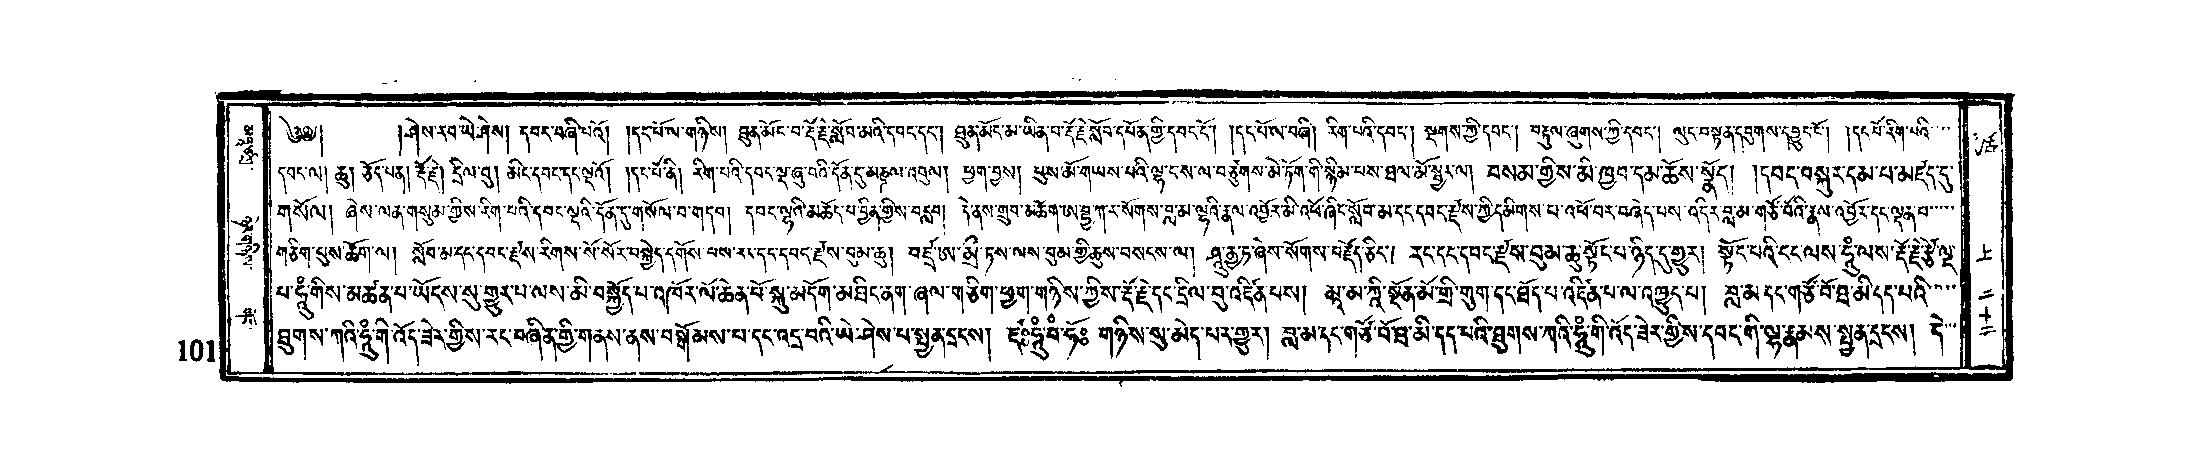༄༅། །ཤེས་རབ་ཡེ་ཤེས། དབང་བཞི་པའོ། །དང་པོ་ལ་གཉིས། ཐུན་མོང་བ་རྡོ་རྗེ་སློབ་མའི་དབང་དང་། ཐུན་མོང་མ་ཡིན་པ་རྡོ་རྗེ་སློབ་དཔོན་གྱི་དབང་ངོ། །དང་པོ་ལ་བཞི། རིག་པའི་དབང་། སྔགས་ཀྱི་དབང་། བརྟུལ་ཞུགས་ཀྱི་དབང་། ལུང་བསྟན་དབུགས་དབྱུང་ངོ། །དང་པོ་རིག་པའི་
དབང་ལ། ཆུ། ཅོད་པན། རྡོ་རྗེ། དྲིལ་བུ། མིང་དབང་དང་ལྔའོ། །དང་པོ་ནི། རིག་པའི་དབང་ལྔ་ཞུ་བའི་དོན་དུ་མཎྜལ་འབུལ། ཕྱག་བྱས། པུས་མོ་གཡས་པའི་ལྷ་ང་ས་ལ་བཙུགས་མེ་ཏོག་གི་སྙིཾ་པས་ཐལ་མོ་སྦྱར་ལ། བསམ་གྱིས་མི་ཁྱབ་དམ་ཆོས་སྣོད། །དབང་བསྐུར་དམ་པ་མཛད་དུ་
གསོལ། ཞེས་ལན་གསུམ་གྱིས་རིག་པའི་དབང་ལྔའི་དོན་དུ་གསོལ་བ་གདབ། དབང་ལྷའི་མཆོད་པ་བྱིན་གྱིས་བརླབ། དེ་ནས་གྲུབ་མཆོག་ཨ་བྷྱ་ཀ་ར་སོགས་བླ་མ་ལྷའི་རྣལ་འབྱོར་མི་འཕོ་ཞིང་སློབ་མ་དང་དབང་རྫས་ཀྱི་དམིགས་པ་འཕོ་བར་བཞེད་པས་འདིར་བླ་མ་གཙོ་བོའི་རྣལ་འབྱོར་དང་ལྡན་པ་
གཅིག་པུས་ཆོག་ལ། སློབ་མ་དང་དབང་རྫས་རིགས་སོ་སོར་བསྐྱེད་དགོས་པས་རང་དང་དབང་རྫས་བུམ་ཆུ། བཛྲ་ཨ་མྲྀ་ཏས་ལས་བུམ་གྱི་ཆུས་བསངས་ལ། ཤཱུ་ནྱ་ཏ་ཞེས་སོགས་བརྗོད་ཅིང་། རང་དང་དབང་རྫས་བུམ་ཆུ་སྟོང་པ་ཉིད་དུ་གྱུར། སྟོང་པའི་ངང་ལས་ཧཱུཾ་ལས་རྡོ་རྗེ་རྩེ་ལྔ་
པ་ཧཱུཾ་གིས་མཚན་པ་ཡོངས་སུ་གྱུར་པ་ལས་མི་བསྐྱོད་པ་འཁོར་ལོ་ཆེན་པོ་སྐུ་མདོག་མཐིང་ནག་ཞལ་གཅིག་ཕྱག་གཉིས་ཀྱིས་རྡོ་རྗེ་དང་དྲིལ་བུ་འཛིན་པས། མཱ་མ་ཀཱི་སྔོན་མོ་གྲི་གུག་དང་ཐོད་པ་འཛིན་པ་ལ་འཁྱུད་པ། བླ་མ་དང་གཙོ་བོ་ཐ་མི་དད་པའི་
ཐུགས་ཀའི་ཧཱུཾ་གི་འོད་ཟེར་གྱིས་རང་བཞིན་གྱི་གནས་ནས་བསྒོམས་པ་དང་འདྲ་བའི་ཡེ་ཤེས་པ་སྤྱན་དྲངས། ཛཿ ཧཱུཾ་བཾ་ཧོཿ གཉིས་སུ་མེད་པར་གྱུར། བླ་མ་དང་གཙོ་བོ་ཐ་མི་དད་པའི་ཐུགས་ཀའི་ཧཱུཾ་གི་འོད་ཟེར་གྱིས་དབང་གི་ལྷ་རྣམས་སྤྱན་དྲངས། དེ་